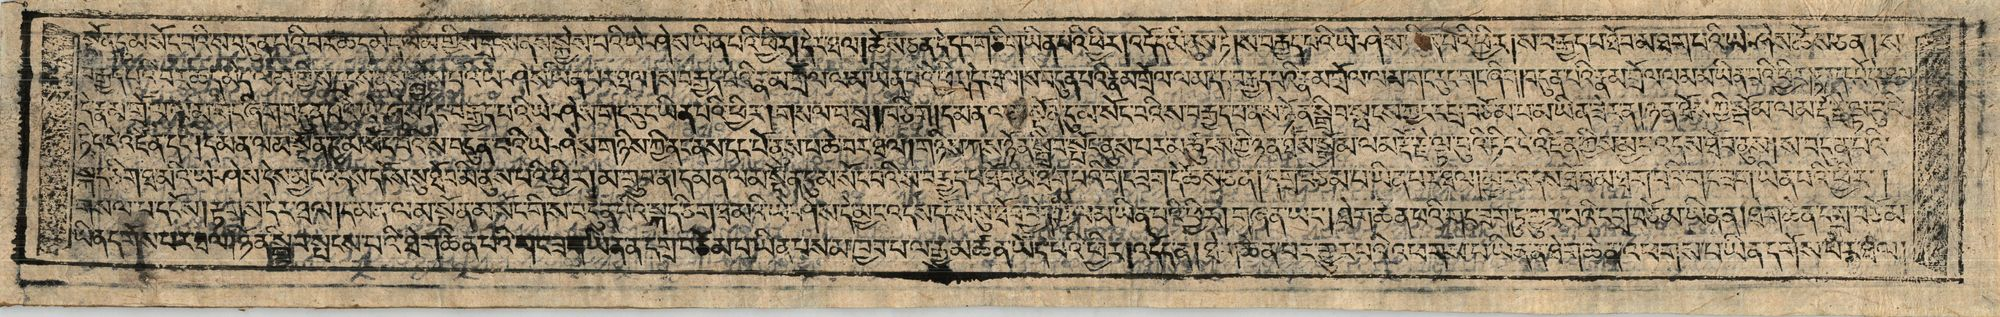སྔོན་དུ་མ་སོང་བའི་ས་བདུན་པའི་བར་ཆད་མེད་ལམ་གྱིས་དྲངས་ནས་སྐྱེས་པའི་ཡེ་ཤེས་ཡིན་པའི་ཕྱིར། དེར་ཐལ། ཆོས་ཅན་དེ་དང་གཅིག་ཡིན་པའི་ཕྱིར། འདོད་མི་ནུས་ཏེ། ས་བརྒྱད་པའི་ཡེ་ཤེས་ཡིན་པའི་ཕྱིར། ས་བརྒྱད་པ་ཐོབ་མ་ཐག་པའི་ཡེ་ཤེས་ཆོས་ཅན། ས་
བརྒྱད་པའི་བར་ཆད་མེད་ལམ་གྱིས་དྲངས་ནས་སྐྱེས་པའི་ཡེ་ཤེས་ཡིན་པར་ཐལ། ས་བརྒྱད་པའི་རྣམ་གྲོལ་ལམ་ཡིན་པའི་ཕྱིར། དེར་ཐལ། ས་བདུན་པའི་རྣམ་གྲོལ་ལམ་དང་བརྒྱད་པའི་རྣམ་གྲོལ་ལམ་གང་རུང་གང་ཞིག ། བདུན་པའི་རྣམ་གྲོལ་ལམ་མ་ཡིན་པའི་ཕྱིར། རྟགས་དང་པོ་དེར་ཐལ་
དེ་རྣམ་གྲོལ་ལམ་གང་ཞིག་བདུན་པའི་ཡེ་ཤེས་དང་བརྒྱད་པའི་ཡེ་ཤེས་གང་རུང་ཡིན་པའི་ཕྱིར། གསལ་བ་སླ། ཁ་ཅིག ། དམན་ལམ་སྔོན་དུ་མ་སོང་བའི་ས་བརྒྱད་པ་ནས་ཉོན་སྒྲིབ་སྤངས་ཀྱང་དགྲ་བཅོམ་པ་མ་ཡིན་ཟེར་ན། ཉན་ཐོས་ཀྱི་སྒོམ་ལམ་རྡོ་རྗེ་ལྟ་བུའི་
ཏིང་ངེ་འཛིན་དང་། དམན་ལམ་སྔོན་དུ་མ་སོང་བའི་ས་བདུན་པའི་ཡེ་ཤེས་གཉིས་ཀྱི་ནང་ནས་དང་པོ་ནུས་པ་ཆེ་བར་ཐལ། གཉིས་ཀས་ཉོན་སྒྲིབ་སྤོང་ནུས་པར་མཚུངས་ཀྱི་ཉན་ཐོས་སྒོམ་ལམ་རྡོ་རྗེ་ལྟ་བུའི་ཏིང་ངེ་འཛིན་ཀྱིས་མྱང་འདས་ཐོབ་ནུས། ས་བདུན་པའི་
སྐད་ཅིག་ཐ་མའི་ཡེ་ཤེས་དེས་མྱང་འདས་དངོས་སུ་ཐོབ་མི་ནུས་པའི་ཕྱིར། མ་གྲུབ་ན། དམན་ལམ་སྔོན་དུ་མ་སོང་བའི་ས་བརྒྱད་པ་ཐོབ་མ་ཐག་པའི་གང་ཟག་དེ་ཆོས་ཅན། དགྲ་བཅོམ་པ་ཡིན་པར་ཐལ། མྱང་འདས་ཐོབ་མ་ཐག་པའི་གང་ཟག་ཡིན་པའི་ཕྱིར།
གསལ་པ་དངོས། རྟགས་དེར་ཐལ། དམན་ལམ་སྔོན་མ་སོང་གི་ས་བདུན་པའི་སྐད་ཅིག་ཐ་མའི་ཡེ་ཤེས་དེ་མྱང་འདས་དངོས་སུ་ཐོབ་བྱེད་ཀྱི་ལམ་ཡིན་པའི་ཕྱིར། གཞན་ཡང་། ཐེག་ཆེན་པའི་གང་ཟག་ཏུ་གྱུར་པའི་དགྲ་བཅོམ་ཡིན་ན། ཐེག་ཆེན་དགྲ་བཅོམ་
ཡིན་དགོས་པར་ཐལ། ཉོན་སྒྲིབ་སྤངས་པའི་ཐེག་ཆེན་པའི་གང་ཟག་ཡིན་ན་དགྲ་བཅོམ་པ་ཡིན་པས་མ་ཁྱབ་པ་ལ་རྒྱུ་མཚན་ཡོད་པའི་ཕྱིར། འདོད་ན། ཐེག་ཆེན་པར་གྱུར་པའི་འཕགས་པ་ཡིན་ན་ཐེག་ཆེན་འཕགས་པ་ཡིན་དགོས་པར་ཐལ།